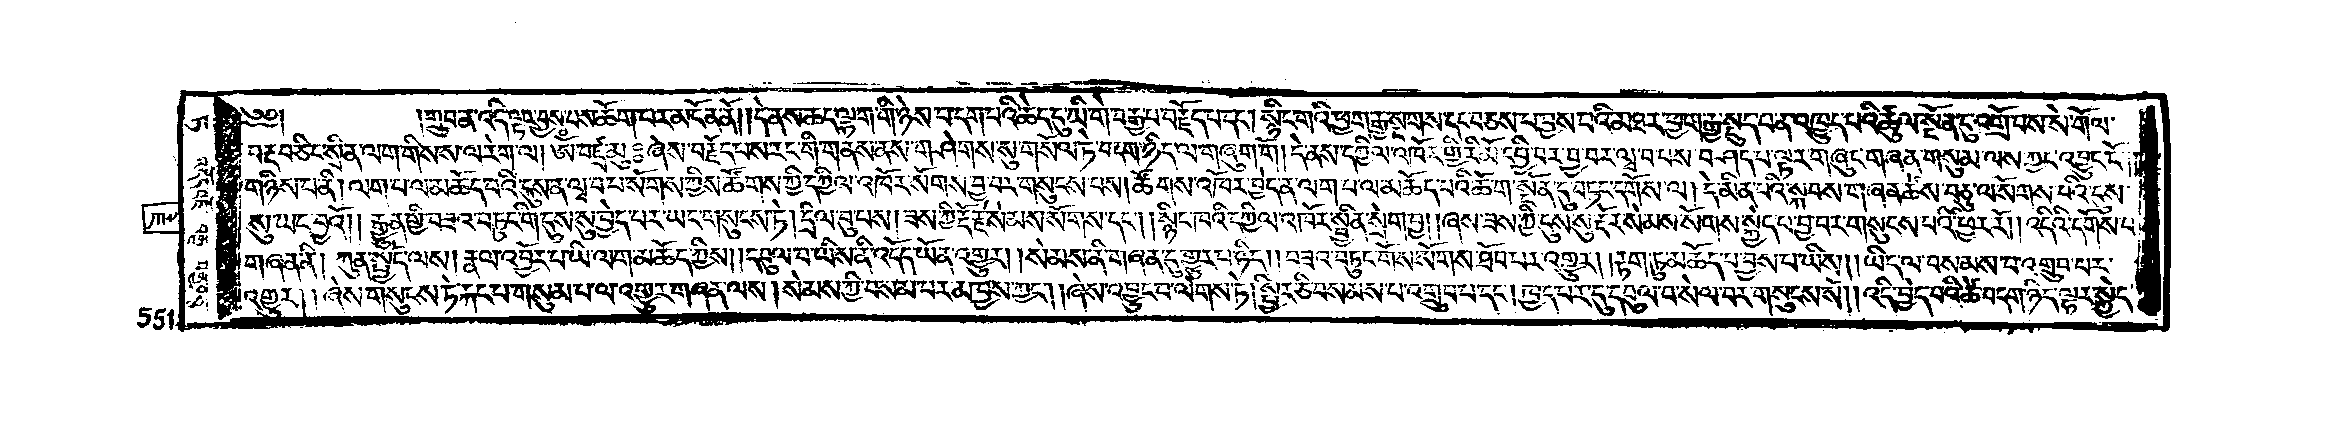༄༅། །གྲུབ་ན་འདི་ལྟར་བྱས་པས་ཆོག་པར་མངོན་ནོ། །དེ་ནས་ཆད་ལྷག་གི་ཉེས་པ་དག་པའི་ཆེད་དུ་ཡི་གེ་བརྒྱ་པ་བརྗོད་པ་དང་། སྙིང་གའི་ཕྱག་རྒྱ་སྔགས་དང་བཅས་པ་བྱས་པའི་མཐར་ཕྱག་རྒྱ་སྡུད་པ་ན་འཁྱུད་པའི་ཚུལ་སྔོན་དུ་འགྲོ་བས་སེ་གོལ་
བརྡབ་ཅིང་སྲིན་ལག་གིས་ས་ལ་རེག་ལ། ཨོཾ་བཛྲ་མུཿ ཞེས་བརྗོད་པས་རང་གི་གནས་ནས་གཤེགས་སུ་གསོལ་ཏེ་བདག་ཉིད་ལ་གཞུག་གོ །དེ་ནས་དཀྱིལ་འཁོར་གྱི་རི་མོ་དབྱི་བར་བྱ་བར་ལྭ་བ་པས་བཤད་པ་ལྟར་གཞུང་གཞན་གསུམ་ལས་ཀྱང་འབྱུང་ངོ། །
གཉིས་པ་ནི། ལག་པ་ལ་མཆོད་པའི་དུས་ན་ལྭ་བ་པ་སོགས་ཀྱིས་ཚོགས་ཀྱི་དཀྱིལ་འཁོར་སོགས་བྱ་བར་གསུངས་པས། ཚོགས་འཁོར་བྱེད་ན་ལག་པ་ལ་མཆོད་པའི་ཆོ་ག་སྔོན་དུ་བཏང་དགོས་ལ། དེ་མིན་པའི་སྐབས་གཞན་ཚེས་བཅུ་ལ་སོགས་པའི་དུས་
སུ་ཡང་བྱའོ། །རྒྱུན་གྱི་བཟའ་བཏུང་གི་དུས་སུ་བྱེད་པར་ཡང་གསུངས་ཏེ། དྲིལ་བུ་པས། ཟས་ཀྱི་རྡོ་རྗེ་སེམས་སོགས་དང་། །སྙིང་ཁའི་དཀྱིལ་འཁོར་སྦྱིན་སྲེག་བྱ། །ཞས་ཟས་ཀྱི་དུས་སུ་རྡོར་སེམས་སོགས་སྐྱེད་པ་བྱ་བར་གསུངས་པའི་ཕྱིར་རོ། །འདིའི་དགོས་པ་
གཞན་ནི། ཀུན་སྤྱོད་ལས། རྣལ་འབྱོར་པ་ཡི་ལག་མཆོད་ཀྱིས། །དབུལ་བ་ཡིས་ནི་འདོད་ཡོན་འགྱུར། །སེམས་ནི་གཞན་དུ་གྱུར་པ་ཉིད། །བཟའ་བཏུང་གོས་སོགས་ཐོབ་པར་འགྱུར། །རྟག་ཏུ་མཆོད་པ་བྱས་པ་ཡིས། །ཡིད་ལ་བསམས་པ་འགྲུབ་པར་
འགྱུར། །ཞེས་གསུངས་ཏེ་རྐང་པ་གསུམ་པ་ལ་འགྱུར་གཞན་ལས། སེམས་ཀྱི་བསམ་པར་མ་བྱས་ཀྱང་། །ཞེས་འབྱུང་བ་ལེགས་ཏེ། སྤྱིར་ཅི་བསམས་པ་འགྲུབ་པ་དང་། ཁྱད་པར་དུ་དབུལ་བ་སེལ་བར་གསུངས་སོ། །འདི་བྱེད་པའི་ཚེ་བདག་ཉིད་ལྷར་སྐྱེད་